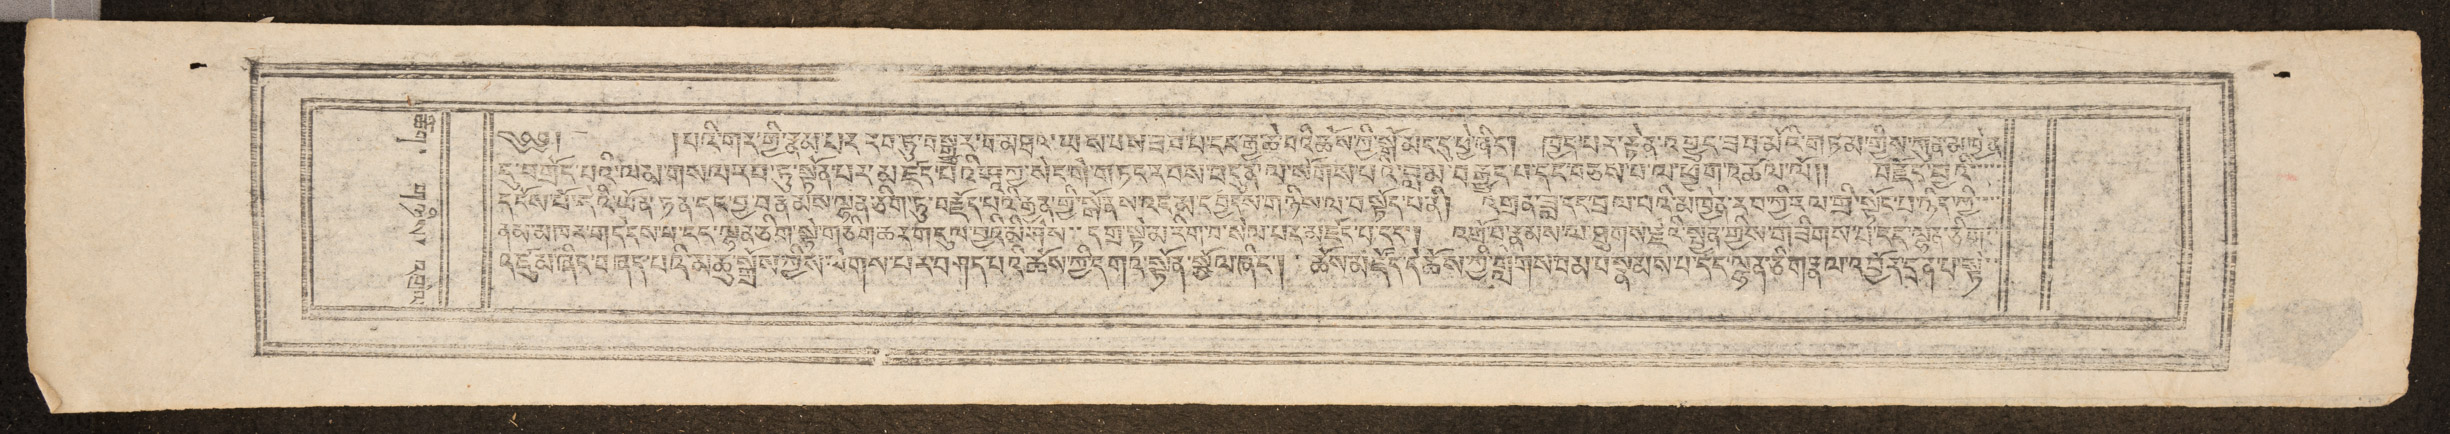༄༅། །པའི་གར་གྱི་རྣམ་པར་རབ་ཏུ་བསྒྱུར་བ་མཐའ་ཡས་པས་ཟབ་པ་དང་རྒྱ་ཆེ་བའི་ཆོས་ཀྱི་སྒོ་མང་དུ་ཕྱེ་ཞིང་། ཁྱད་པར་རྟེན་འབྱུང་ཟབ་མོའི་གཏམ་གྱིས་ཀུན་མཁྱེན་
དུ་བགྲོད་པའི་ལམ་གསལ་རབ་ཏུ་སྟོན་པར་མཛད་པའི་ཤཱཀྱ་སེང་གེ་གཏང་རབས་བདུན་ལ་སོགས་པའི་བླ་མ་བརྒྱུད་པ་དང་བཅས་པ་ལ་ཕྱག་འཚལ་ལོ།། བརྗོད་བྱའི་
དངོས་པོ་དེའི་ཡོན་ཏན་དང་བྱ་བ་ནམས་ལྷན་ཅིག་ཏུ་བརྗོད་པའི་རྒྱན་གྱི་སྒོ་ནས་འཇམ་དབྱངས་གཉིས་ལ་བསྟོད་པ་ནི། འགྲན་ཟླ་དང་བྲལ་བའི་མཁྱེན་རབ་ཀྱི་རལ་གྲི་སྟོང་པ་ཉིད་ཀྱི་
ནམ་མཁར་གདེངས་པ་དང་ལྷན་ཅིག་སྟེ་གཅིག་ཆར་གདུལ་བྱའི་མི་ཤེས་དགྲ་སྟེ་མ་རིག་པ་སེལ་པར་མཛད་པ་དང་། འགྲོ་བ་རྣམས་ལ་ཐུགས་རྗེའི་སྤྱན་གྱིས་གཟིགས་པ་དང་ལྷན་ཅིག་
འཛུམ་ཞིང་བཞད་པའི་མཆུ་སྒྲོས་ཀྱིས་ལེགས་པར་བཤད་པའི་ཆོས་ཀྱི་དགའ་སྟོན་སྩོལ་ཞིང་། ཆོས་མཛོད་དེ་ཆོས་ཀྱི་གླེགས་བམ་བསྣམས་པ་དང་ལྷན་ཅིག་རྣལ་འབྱོར་དྲན་པ་སྟེ་